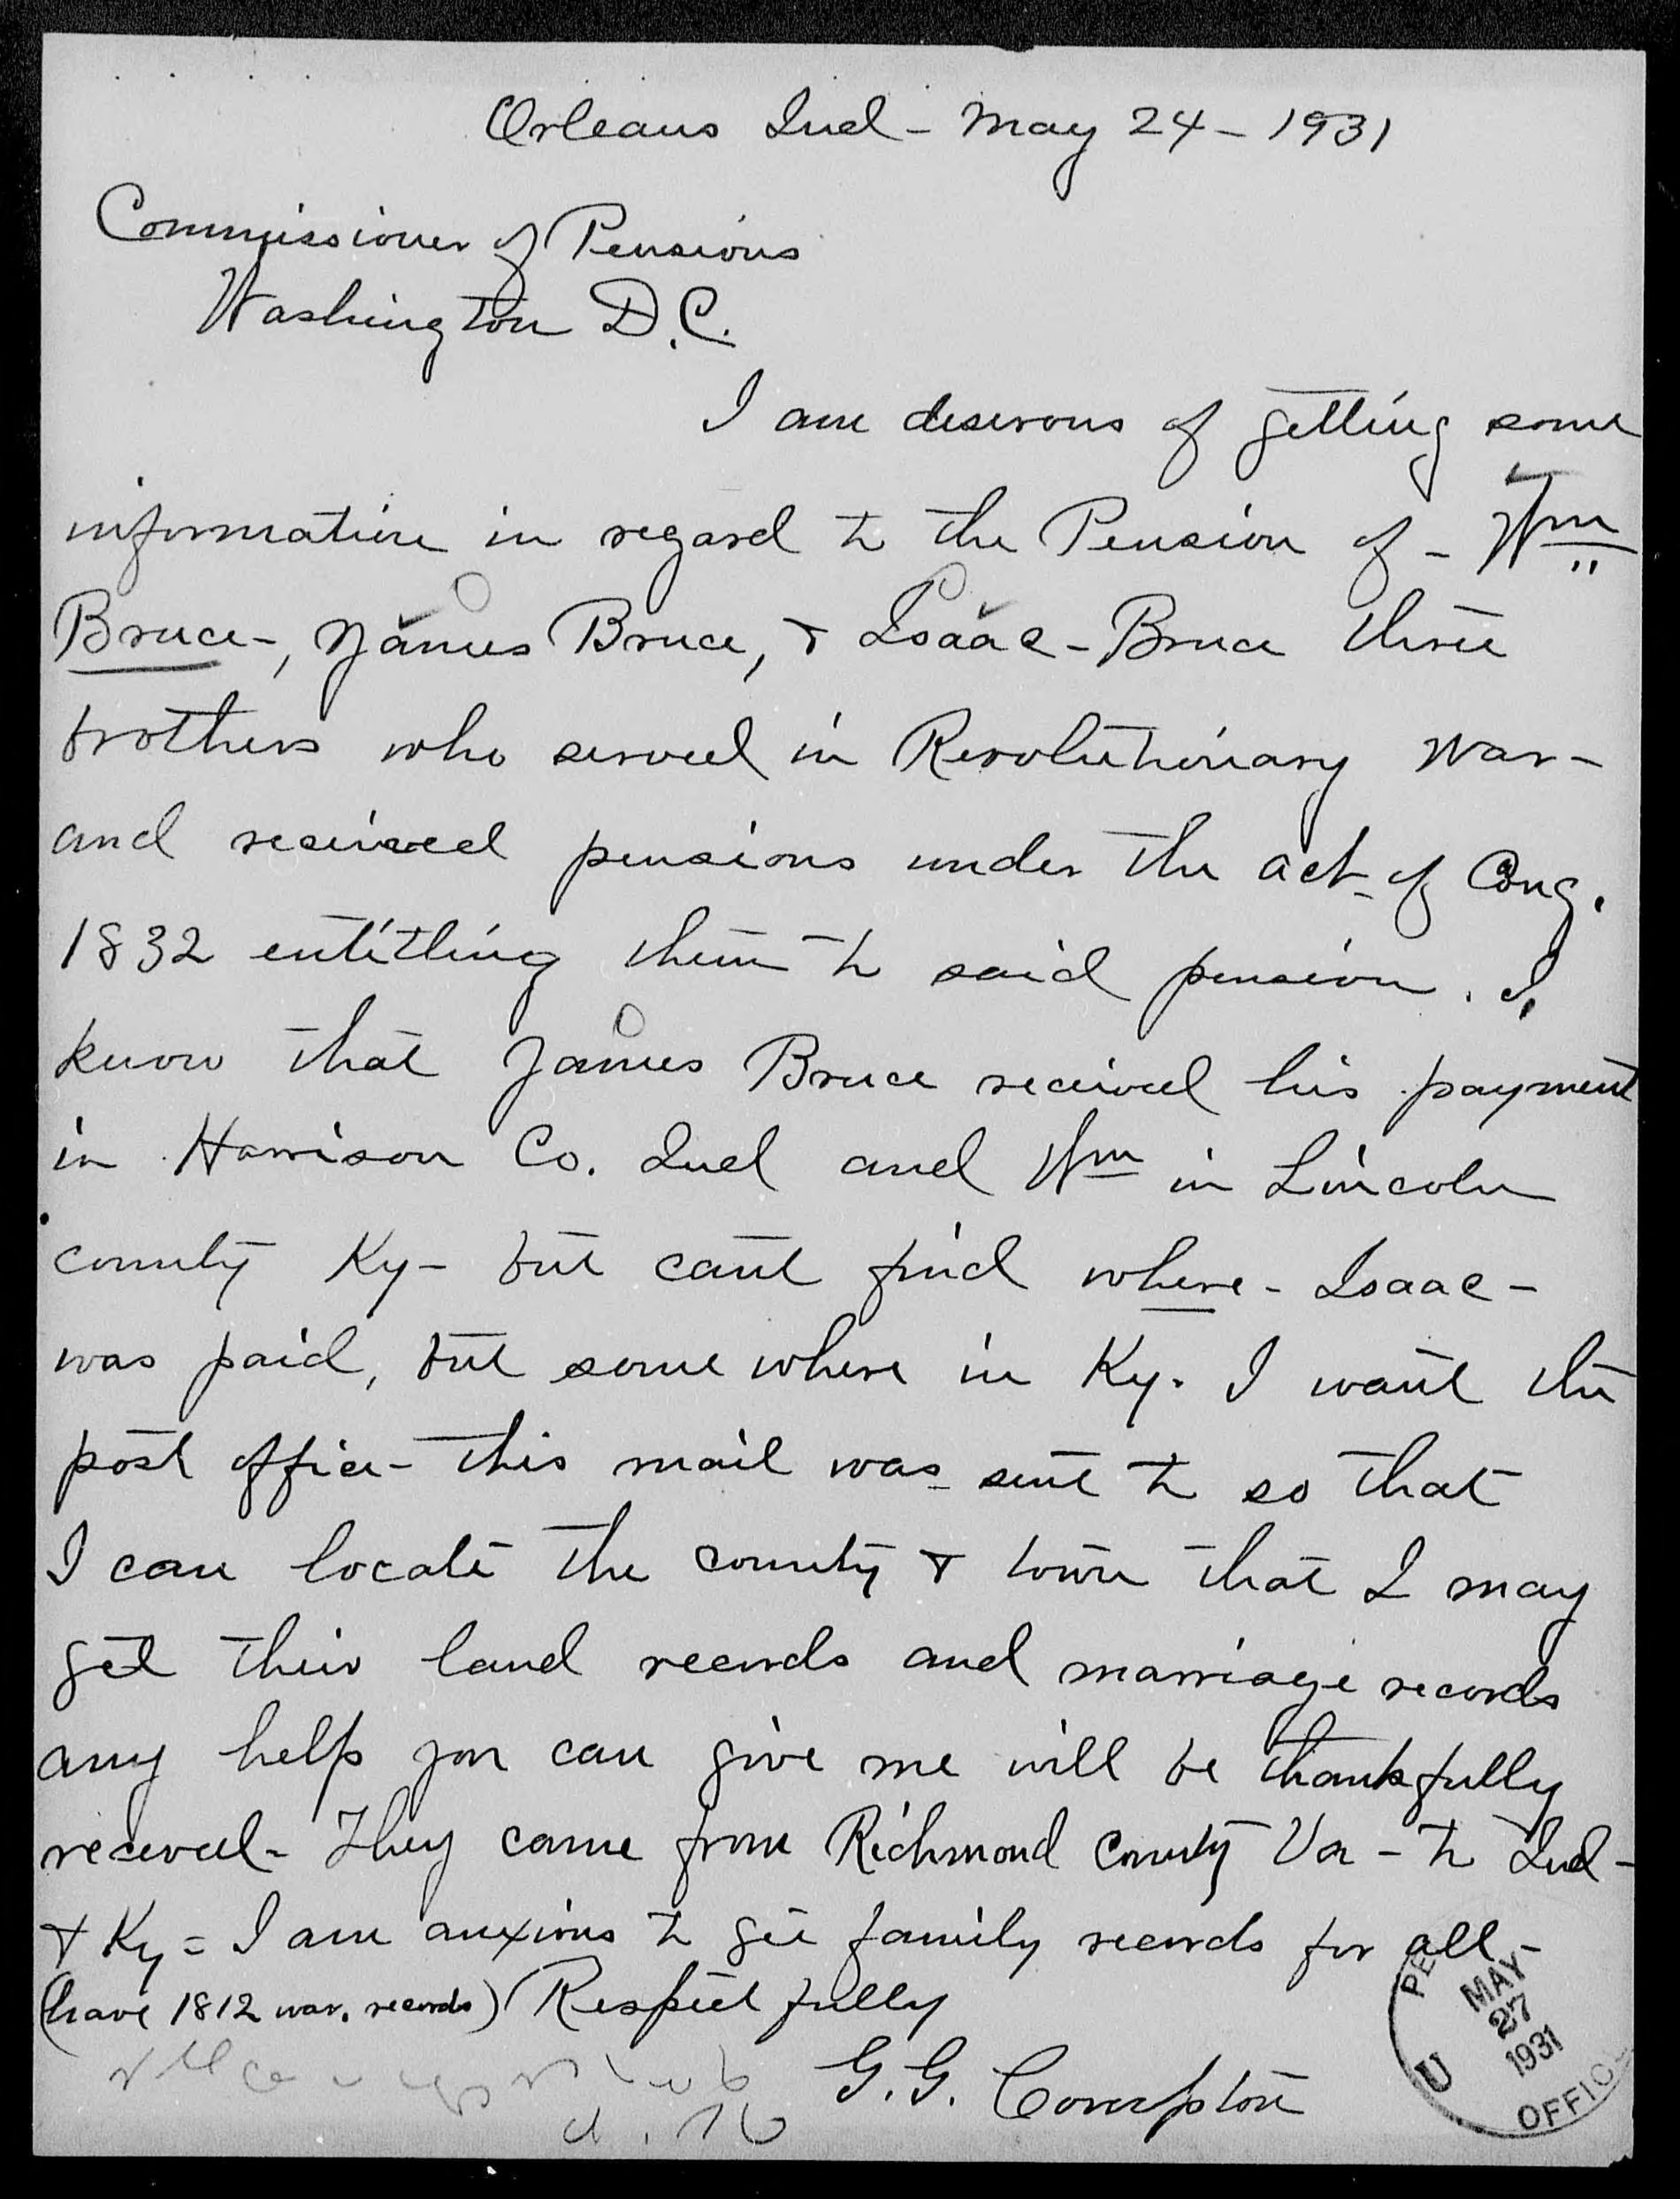Orleans Ind. - May 24-1931 

Commissioner of Pensions 
Washington D.C. 

I am desirous of getting some information in regard to the Pension of Wm Bruce, James Bruce, & Isaac Bruce three brothers who served in Revolutionary War - and received pensions under the act of Cong. 1832 entitling them to said pension. I know that James Bruce received his payment in Harrison Co. Ind. and Wm in Lincoln County Ky - but can’t find where- Isaac was paid, but somewhere in Ky. I want the post office-- this mail was sent to so that I can locate the county & town that I may get their land records and marriage records any help you can give me will be thankfully received. They came from Richmond County Va. - & Ind - & Ky = I am anxious to see family records for all – (have 1812 war record) Respectfully 
G. G. Compton

[Illegible shorthand] 

[circular stamp] PENSION MAY 27 1931 OFFICE U. S.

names: James Bruce, Isaac Bruce, Juel, Wm, Isaac, G G Compton, James Bruce, Wm Bruce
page: 41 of 54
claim: survivor's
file: S. 30287, William Bruce, N.C.